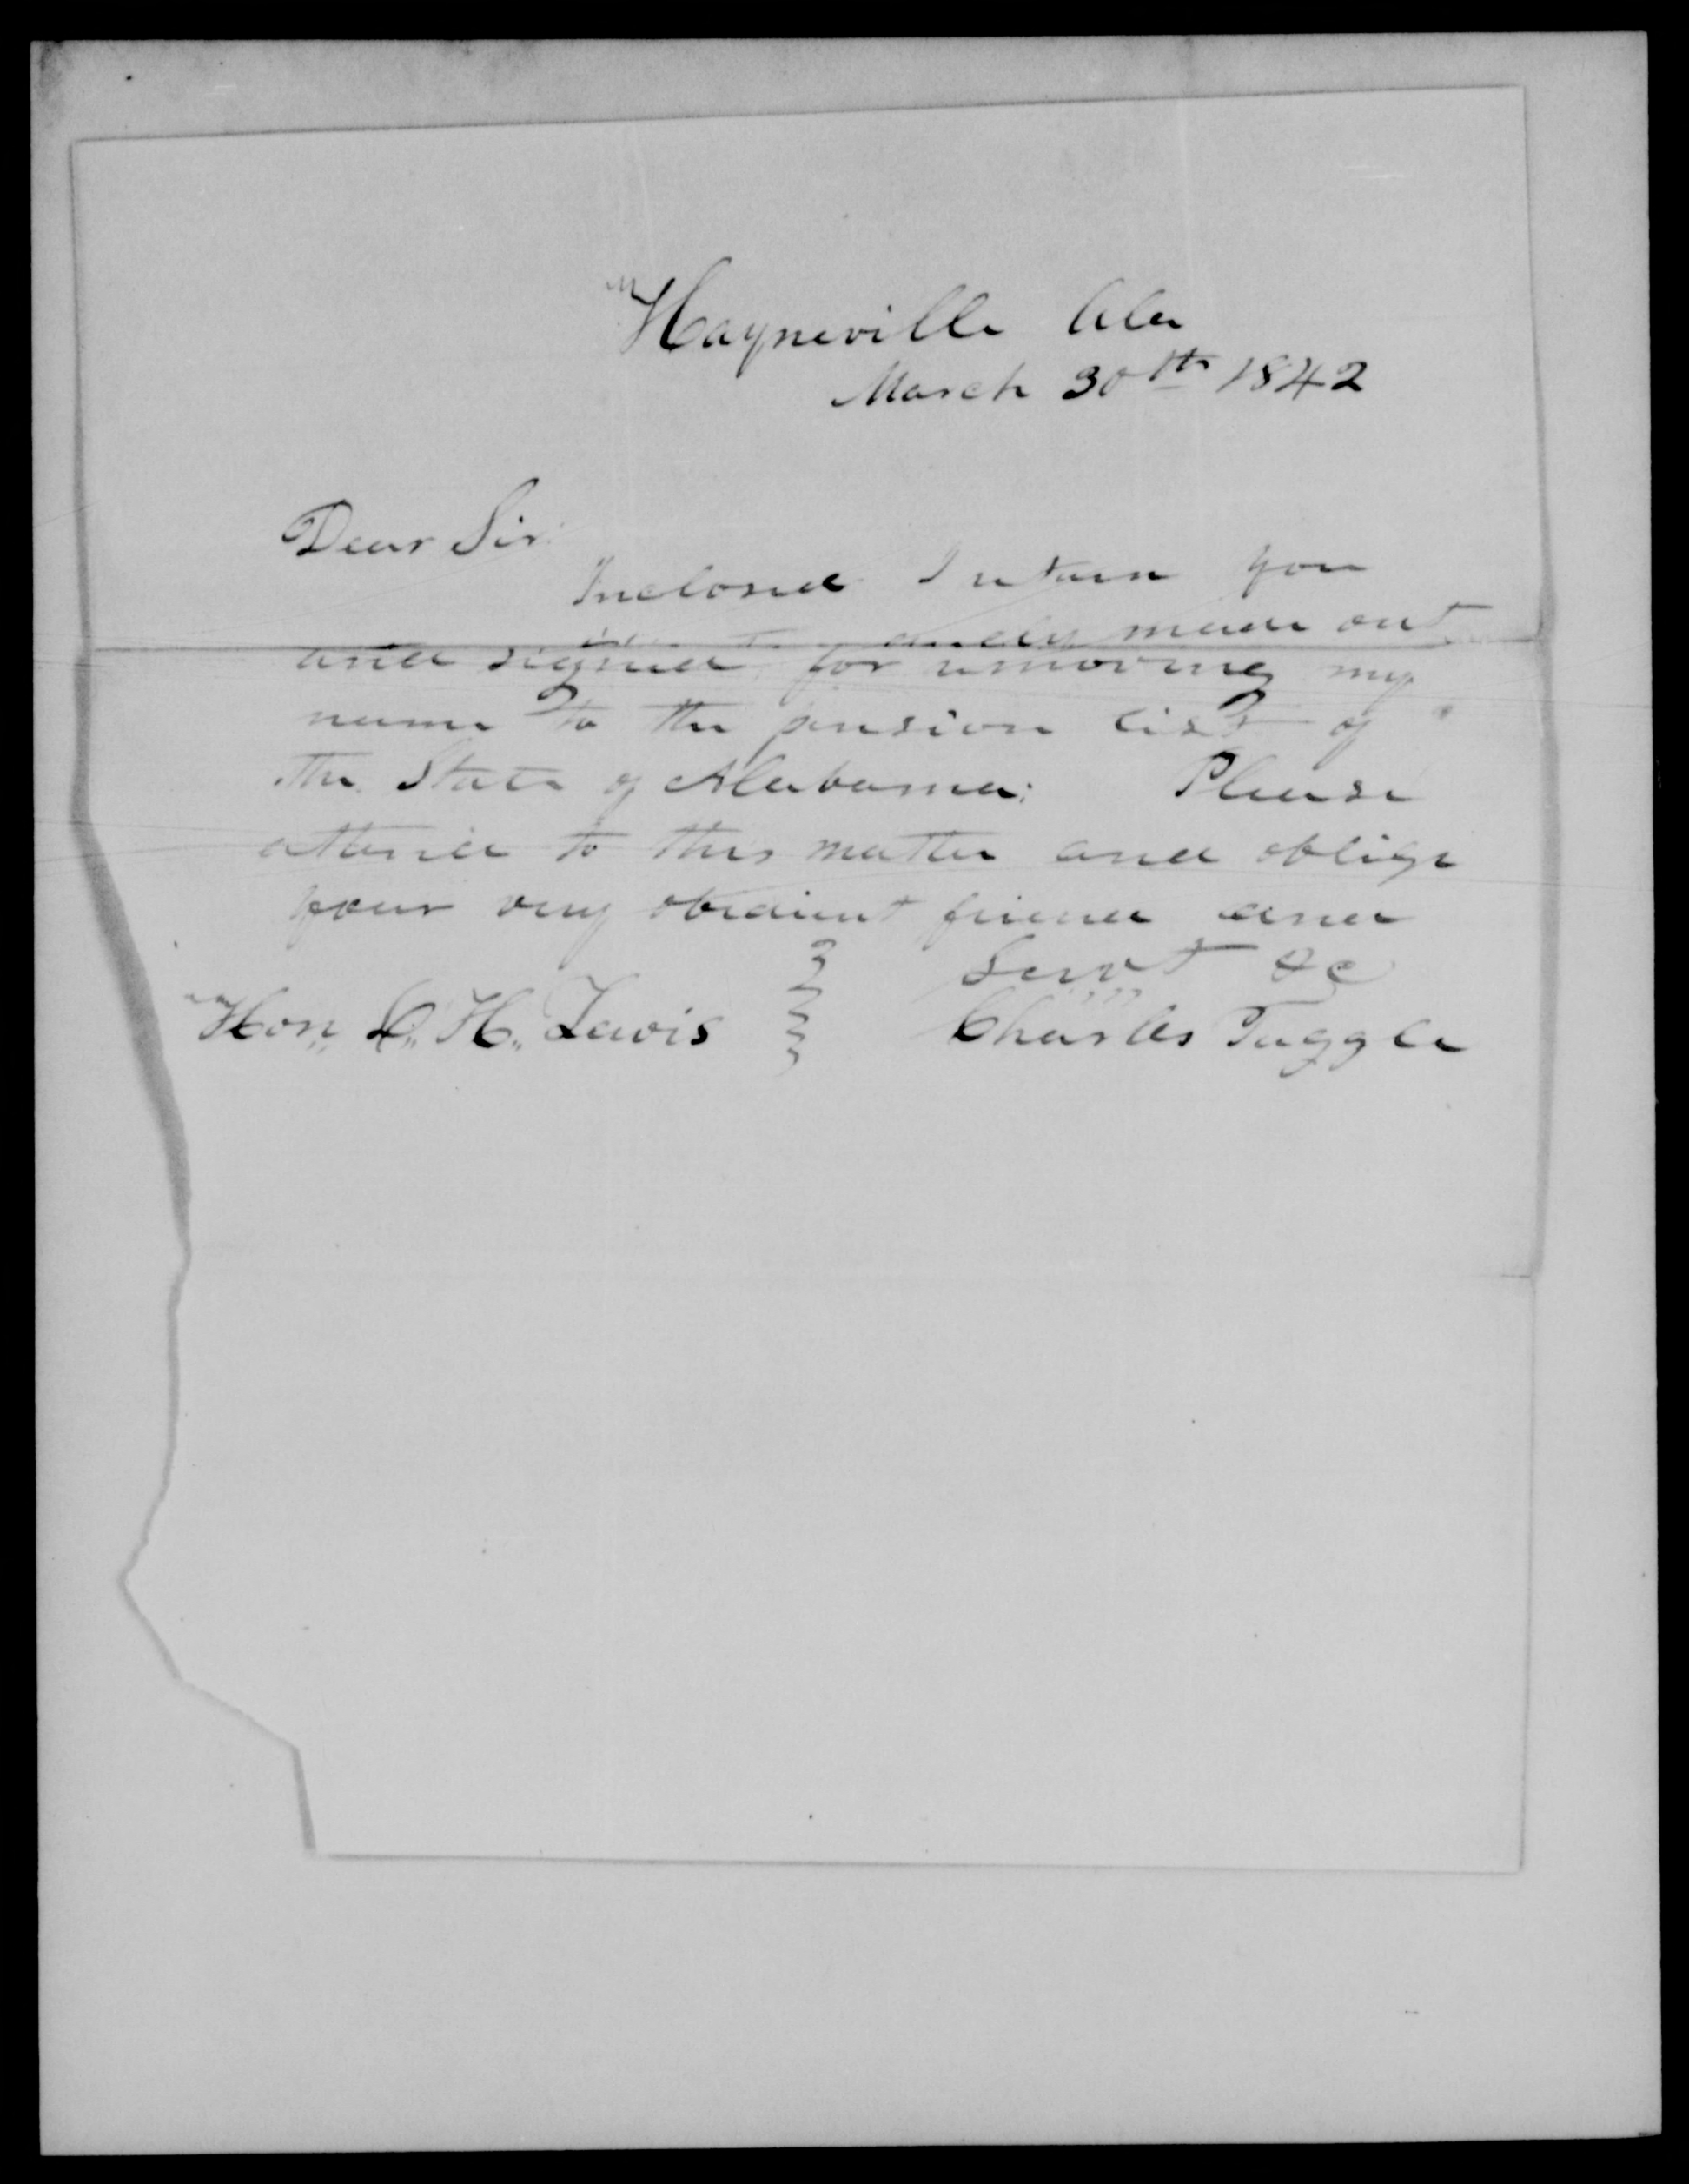Hayneville Ala
March 30th 1842
Dear Sir
Inclosed I return you
[illegible]
and signed for removing my
name to the pension list of
the State of Alabama. Please
attend to this matter and oblige
your very obedient friend and
Servt JC
Charles Tuggle
Hon D. H. Lewis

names: D H Lewis, Charles Tuggle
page: 11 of 23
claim: survivor's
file: S. 32559, Charles Tuggle, Va.